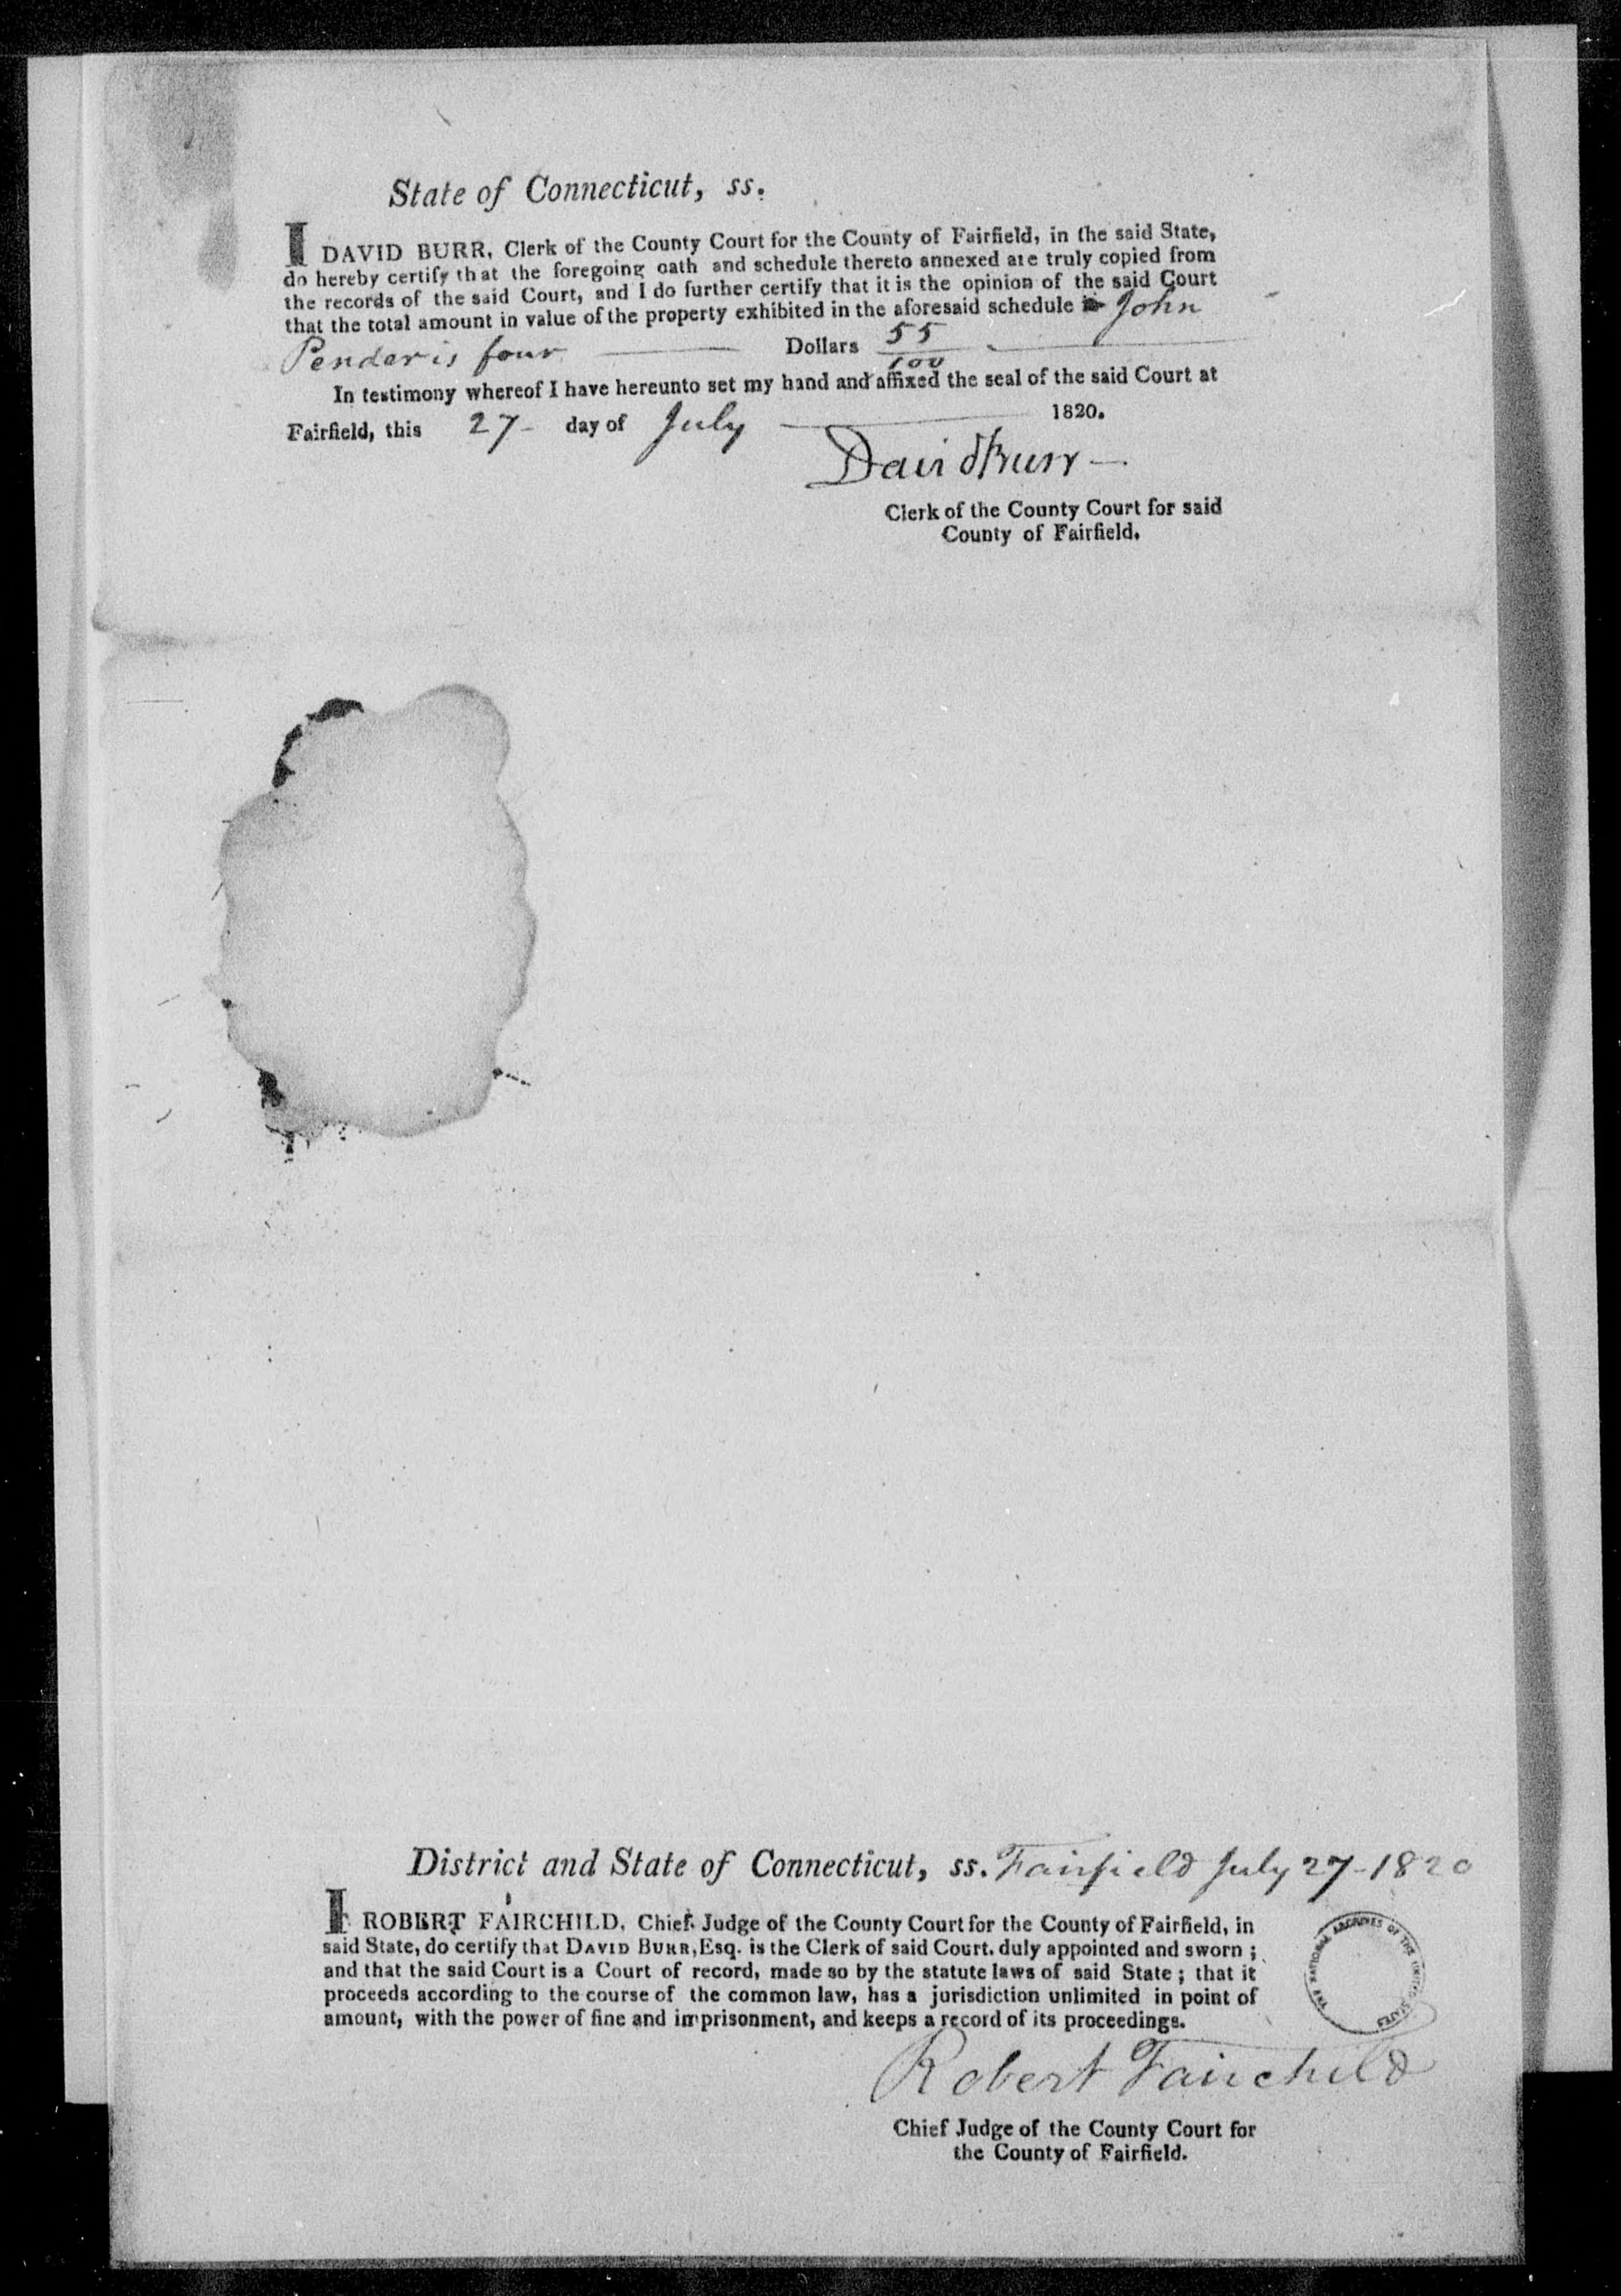State of Connecticut, ss.
I DAVID BURR, Clerk of the County Court for the County of Fairfield, in the said State, do hereby certify that the foregoing oath and schedule thereto annexed are truly copied from the records of the said Court, and I do further certify that it is the opinion of the said Court that the total amount in value of the property exhibited in the aforesaid schedule John Pender is four Dollars 55/100
In testimony whereof I have hereunto set my hand and affixed the seal of the said Court at Fairfield, this 27 day of July 1820.
[signed] David Burr-
Clerk of the County Court for said County of Fairfield.

District and State of Connecticut, ss. Fairfield July 27-1820
I ROBERT FAIRCHILD, Chief Judge of the County Court for the County of Fairfield, in said State, do certify that DAVID BURR, Esq. is the Clerk of said Court, duly appointed and sworn; and that the said Court is a Court of record, made so by the statute laws of said State; that it proceeds according to the course of the common law, has a jurisdiction unlimited in point of amount, with the power of fine and imprisonment, and keeps a record of its proceedings.
[signed]  Robert Fairchild
Chief Judge of the County Court for
the County of Fairfield.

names: Robert Fairchild; John Pender; David Burr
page: 11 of 13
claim: survivor's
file: S. 36211, for John Pender, New Hampshire